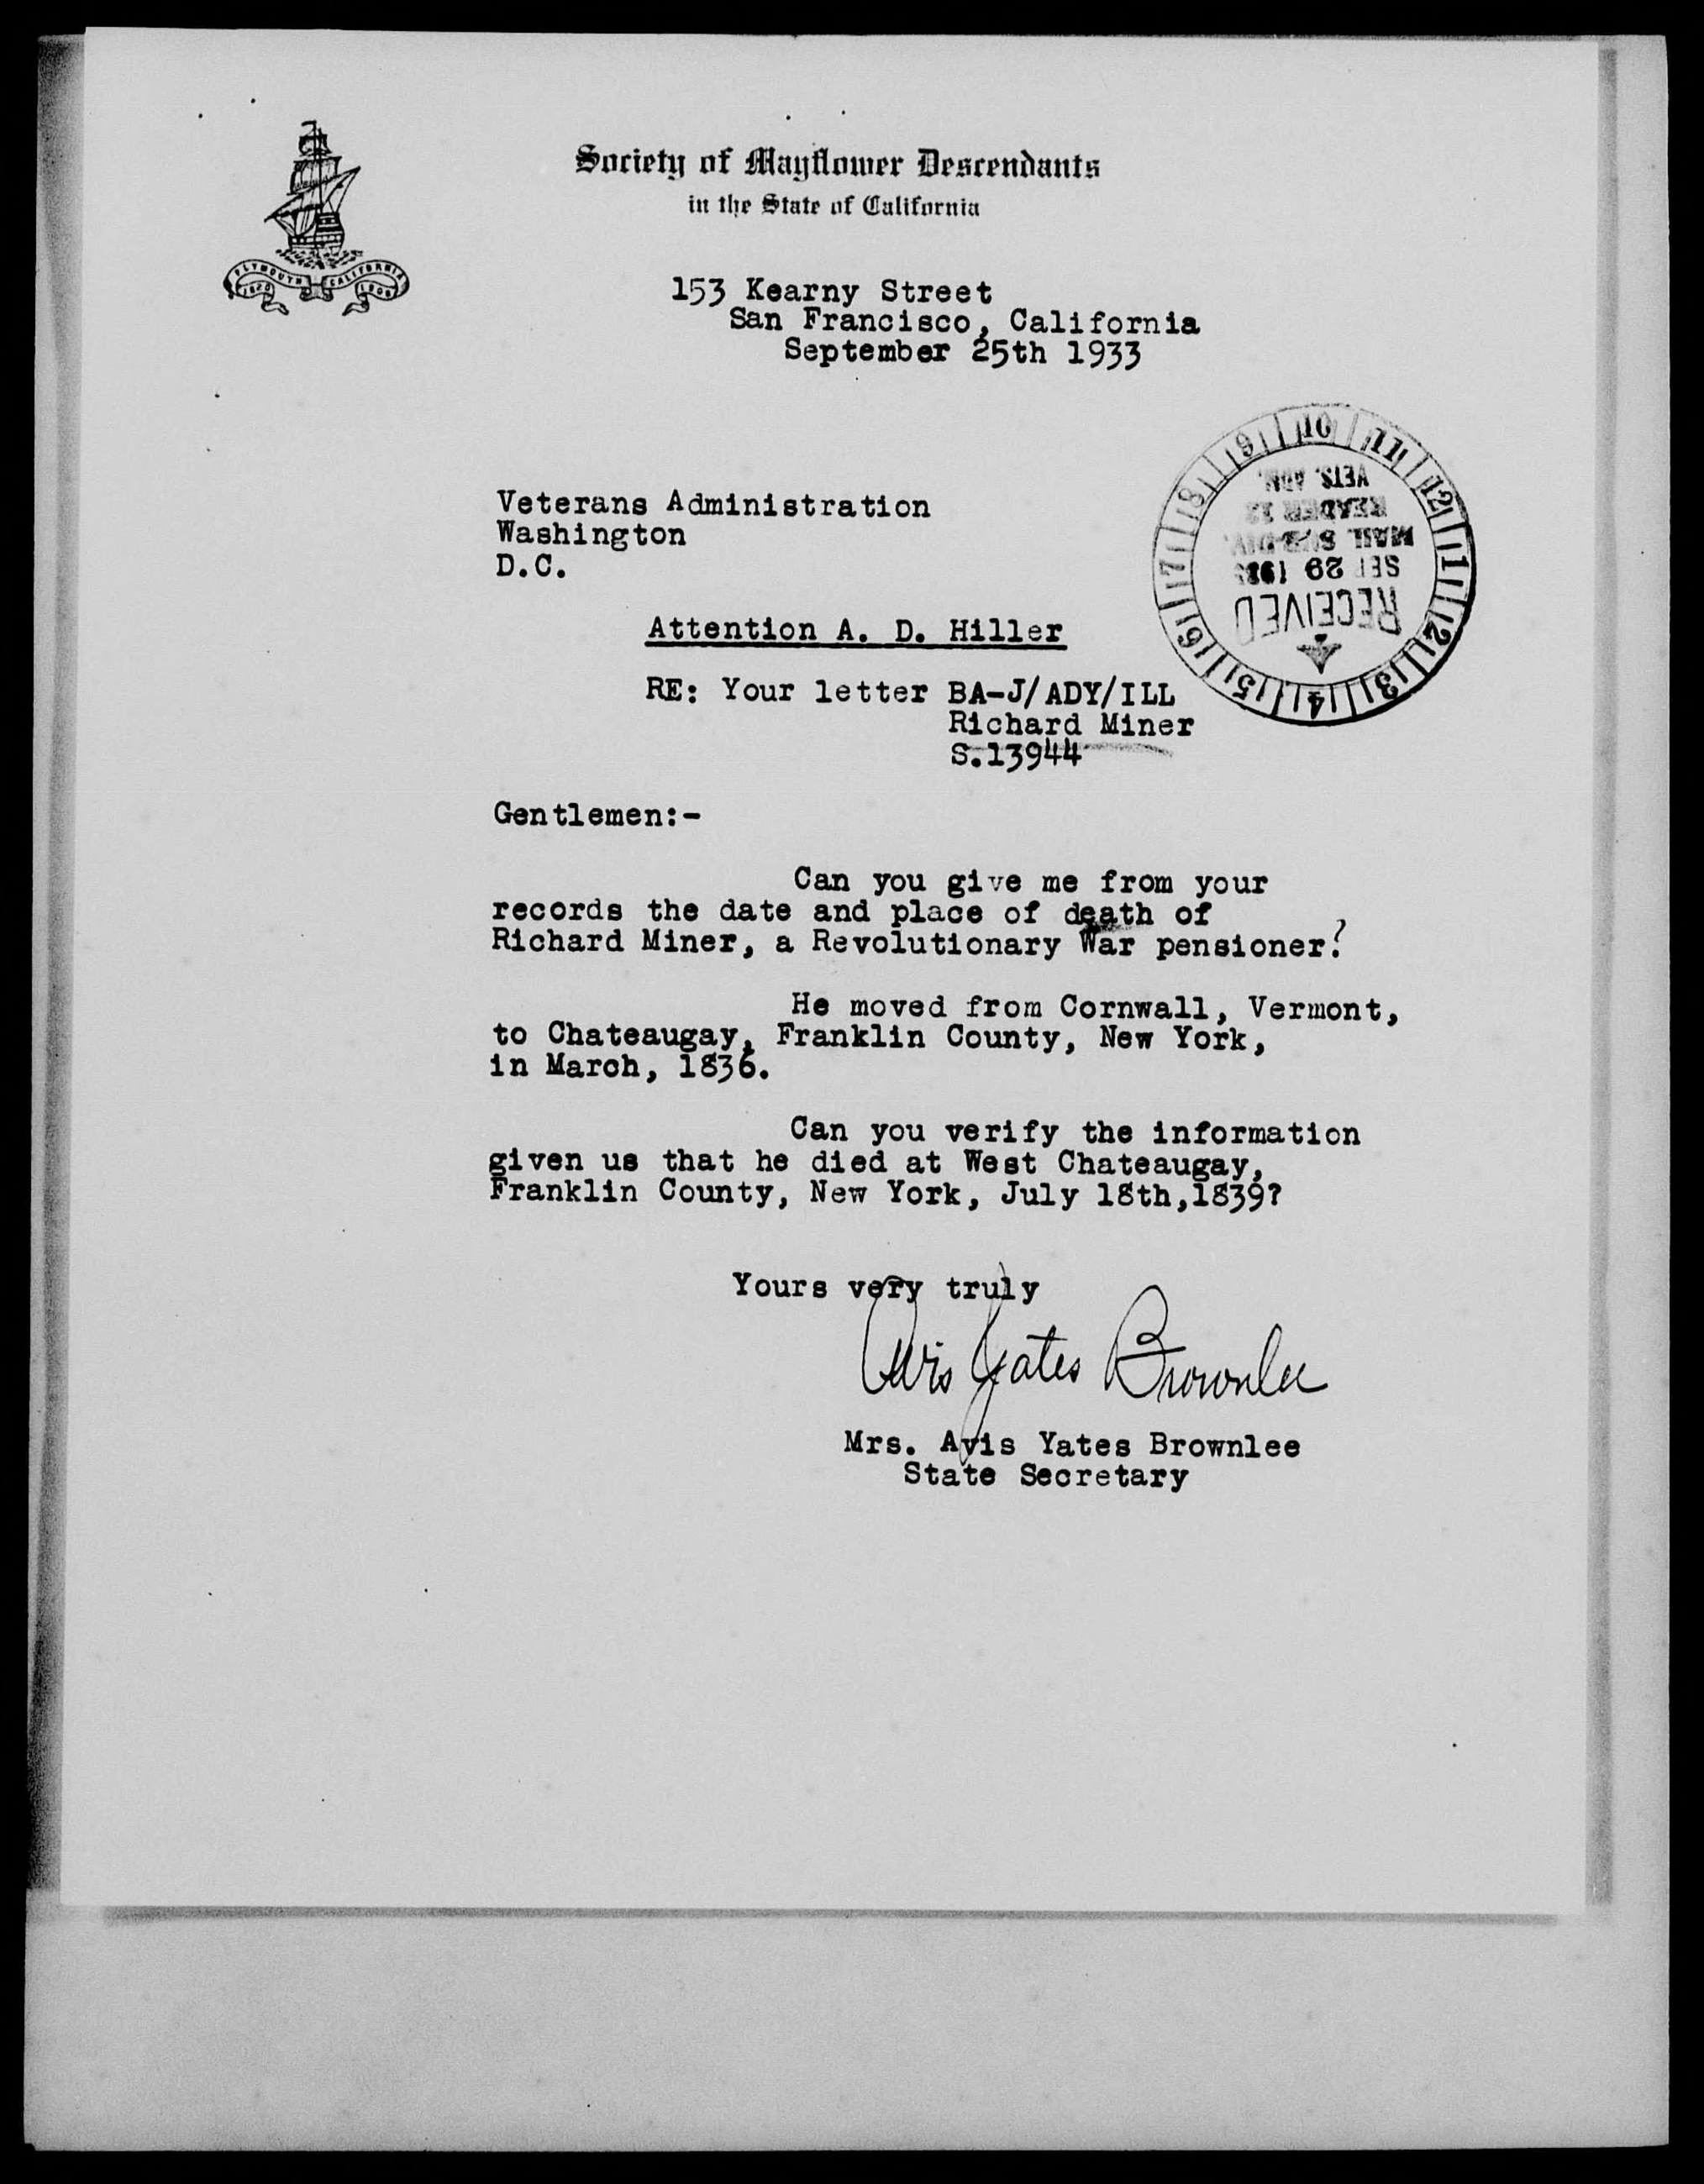Society of Mayflower Descendants
in the State of California
153 Kearny Street
San Francisco, California
September 25th 1933
Veterans Administration
Washington
D.C.
Received Sept 29 1933
Mail Sub Div.
Reader 12
Vets. Adm.
Attention A. D. Hiller
RE: Your letter BA-J/ADY/ILL
Richard Miner
S.13944
Gentlemen:-
Can you give me from your records the date and place of death of Richard Miner, a Revolutionary War pensioner?
He moved from Cornwall, Vermont, to Chateaugay, Franklin County, New York, in March 1836. 
Can you verify the information given to us that he died at West Chateaugay, Franklin County, New York, July 18, 1839?
Yours very truly, Mrs. Avis Yates Brownlee
State Secretary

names: Avis Yates Brownlee; A D Hiller; Richard Miner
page: 17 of 34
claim: survivor's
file: S. 13944, for Richard Miner, Massachusetts